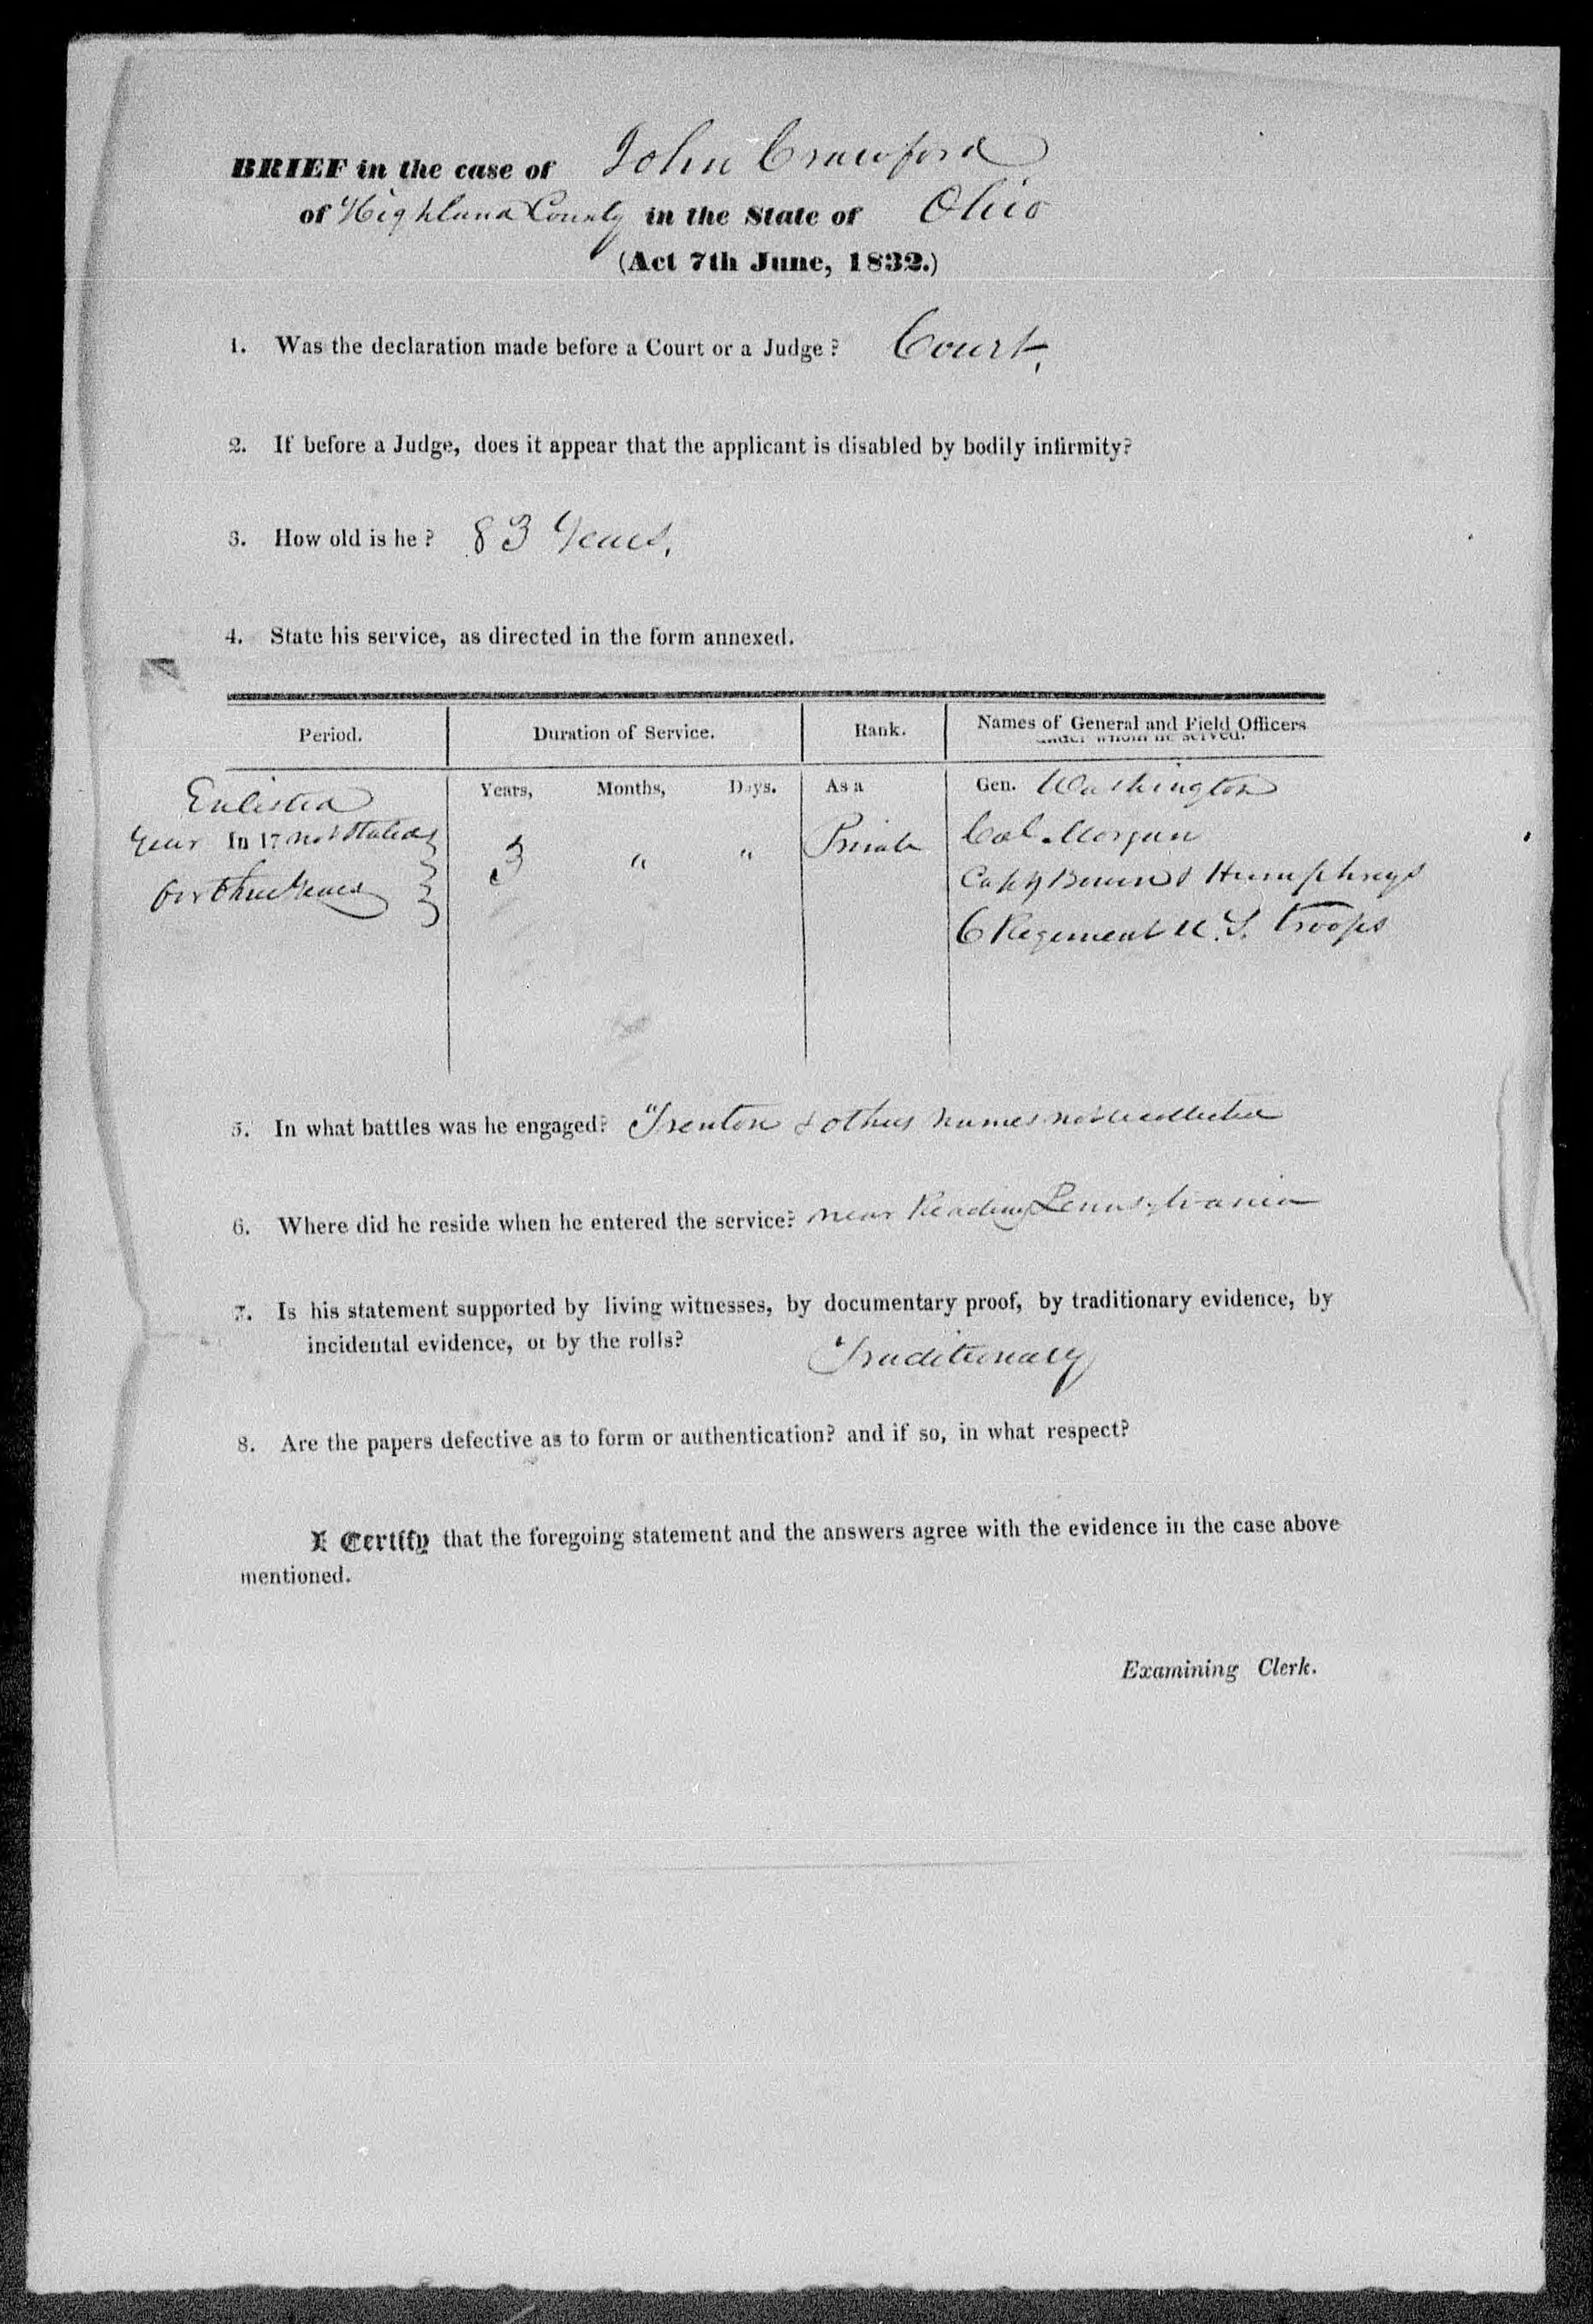Brief in the case of John Crawford of Highland County in the State of Ohio
(Act 7th June, 1832.)
1. Was the declaration made before a Court or a Judge? Court
2. If before a Judge, does it appear that the applicant is disabled by bodily infirmity?
3. How old is he? 83 years.
4. State his service, as directed in the form annexed.

Period. Enlisted. Year in 17__ not stated, for three years
Duration of Service. 3 years
Rank. As a private
Names of General and Field Officers under whom he served. Gen. Washington, Col. Morgan, Capts. Brown & Humphreys, 6 Regiment U.S. troops

5. In what battles was he engaged? Trenton & others names not recollected
6. Where did he reside when he entered the service? near Reading Pennsylvania
7. Is his statement supported by living witnesses, by documentary proof, by traditionary evidence, by incidental evidence, or by the rolls? Traditionary
8. Are the papers defective as to form or authentication? and if so, in what respect?
I Certify that the foregoing statement and the answers agree with the evidence in the case above mentioned.
Examining Clerk.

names: Bower, John Crawford, Humphrys, Washington, Morgan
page: 6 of 80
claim: widow's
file: W 2070, John Crawford, Penn.